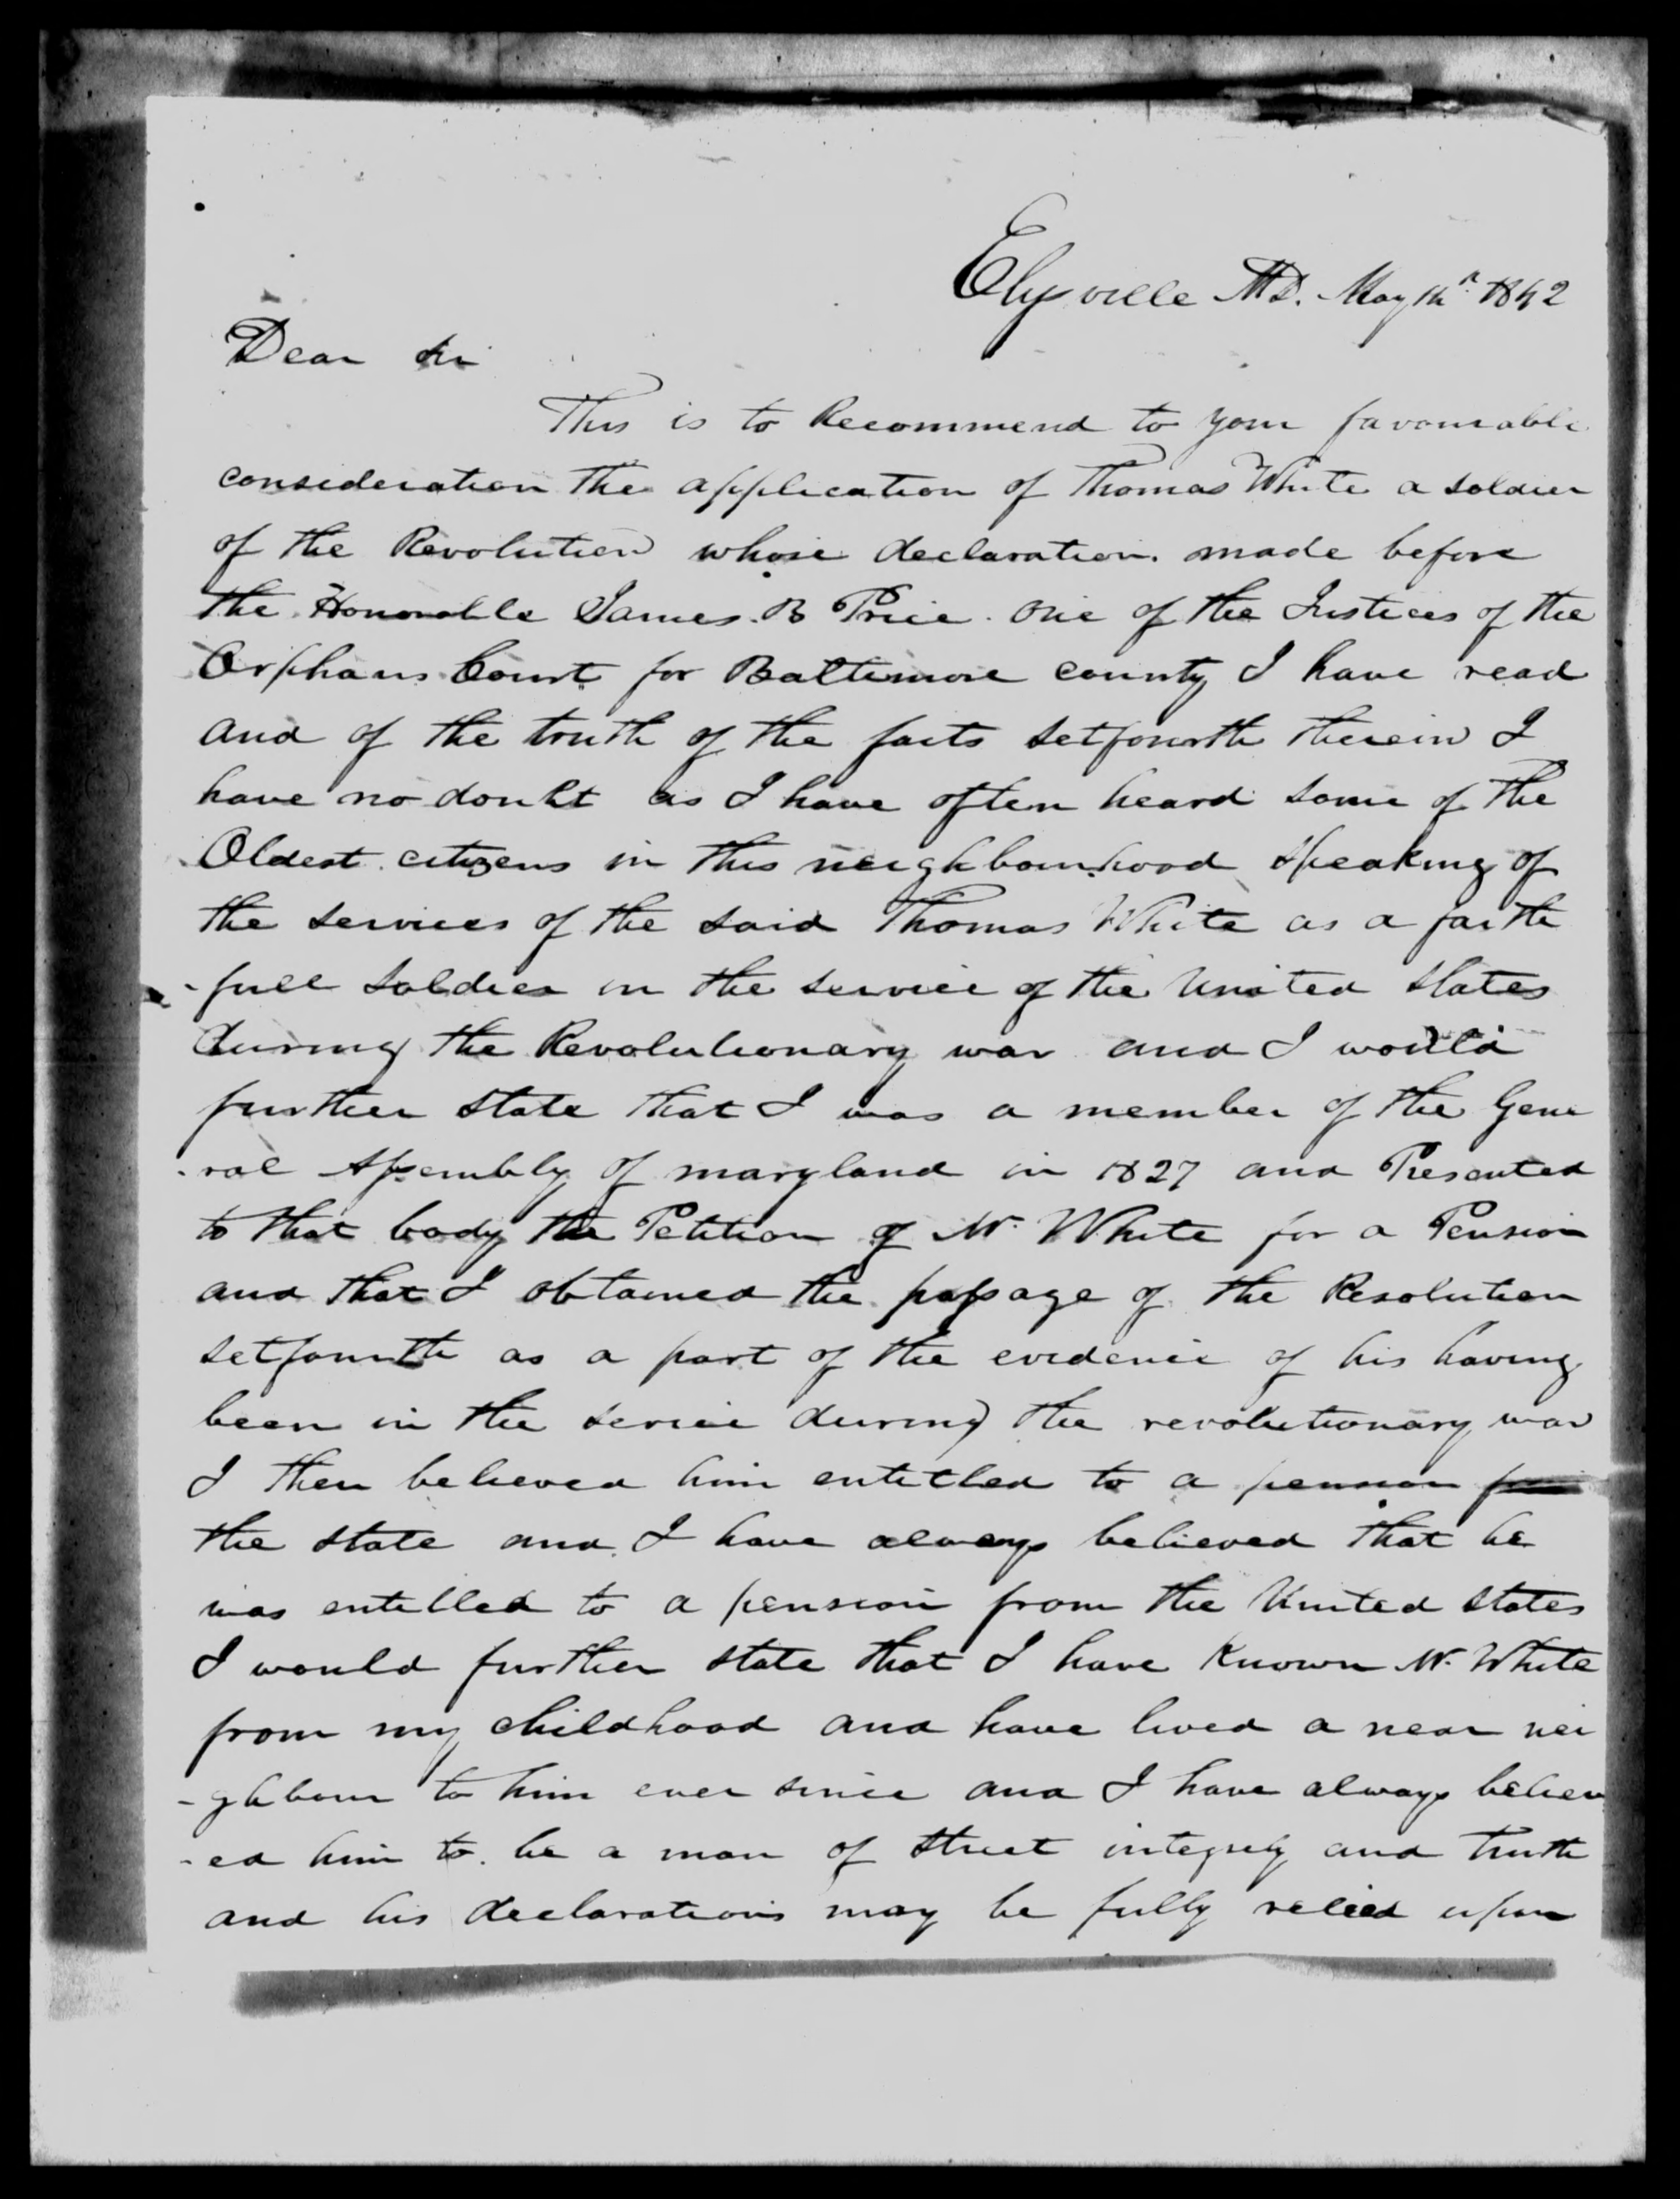Elyville MD. May 14th 1842
Dear Sir
This is to recommend to your favourable [favorable] consideration the application of Thomas White a soldier of the Revolution whose declaration, made before the Honorable James B. Price one of the Justices of the Orphans Court for Baltimore County I have read and of the truth of the facts set fourth therein I have no doubt as I have often heard some of the Oldest citizens in this neighbourhood [neighborhood] speaking of the services of the said Thomas White as a faithfull [faithful] soldier in the service of the United States during the Revolutionary war and I would further state that I was a member of the General Assembly of Maryland in 1827 and presented to that body the Petition of Mr White for a Pension and that I obtained the passage of the Resolution set fourth [forth] as a part of the evidence of his having been in the service during the revolutionary war I then believed him entitled to a pension the state and I have always believed that he was entitled to a pension from the United States I would further state that I have known M. White from my childhood and have lived a near neighbour [neighbor] to him ever since and I have always believed him to be a man of strict integrity and truth and his declarations may be fully relied upon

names: James B Price, Thomas White, W White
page: 19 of 43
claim: survivor's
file: S. 15240, Thomas White, Md.